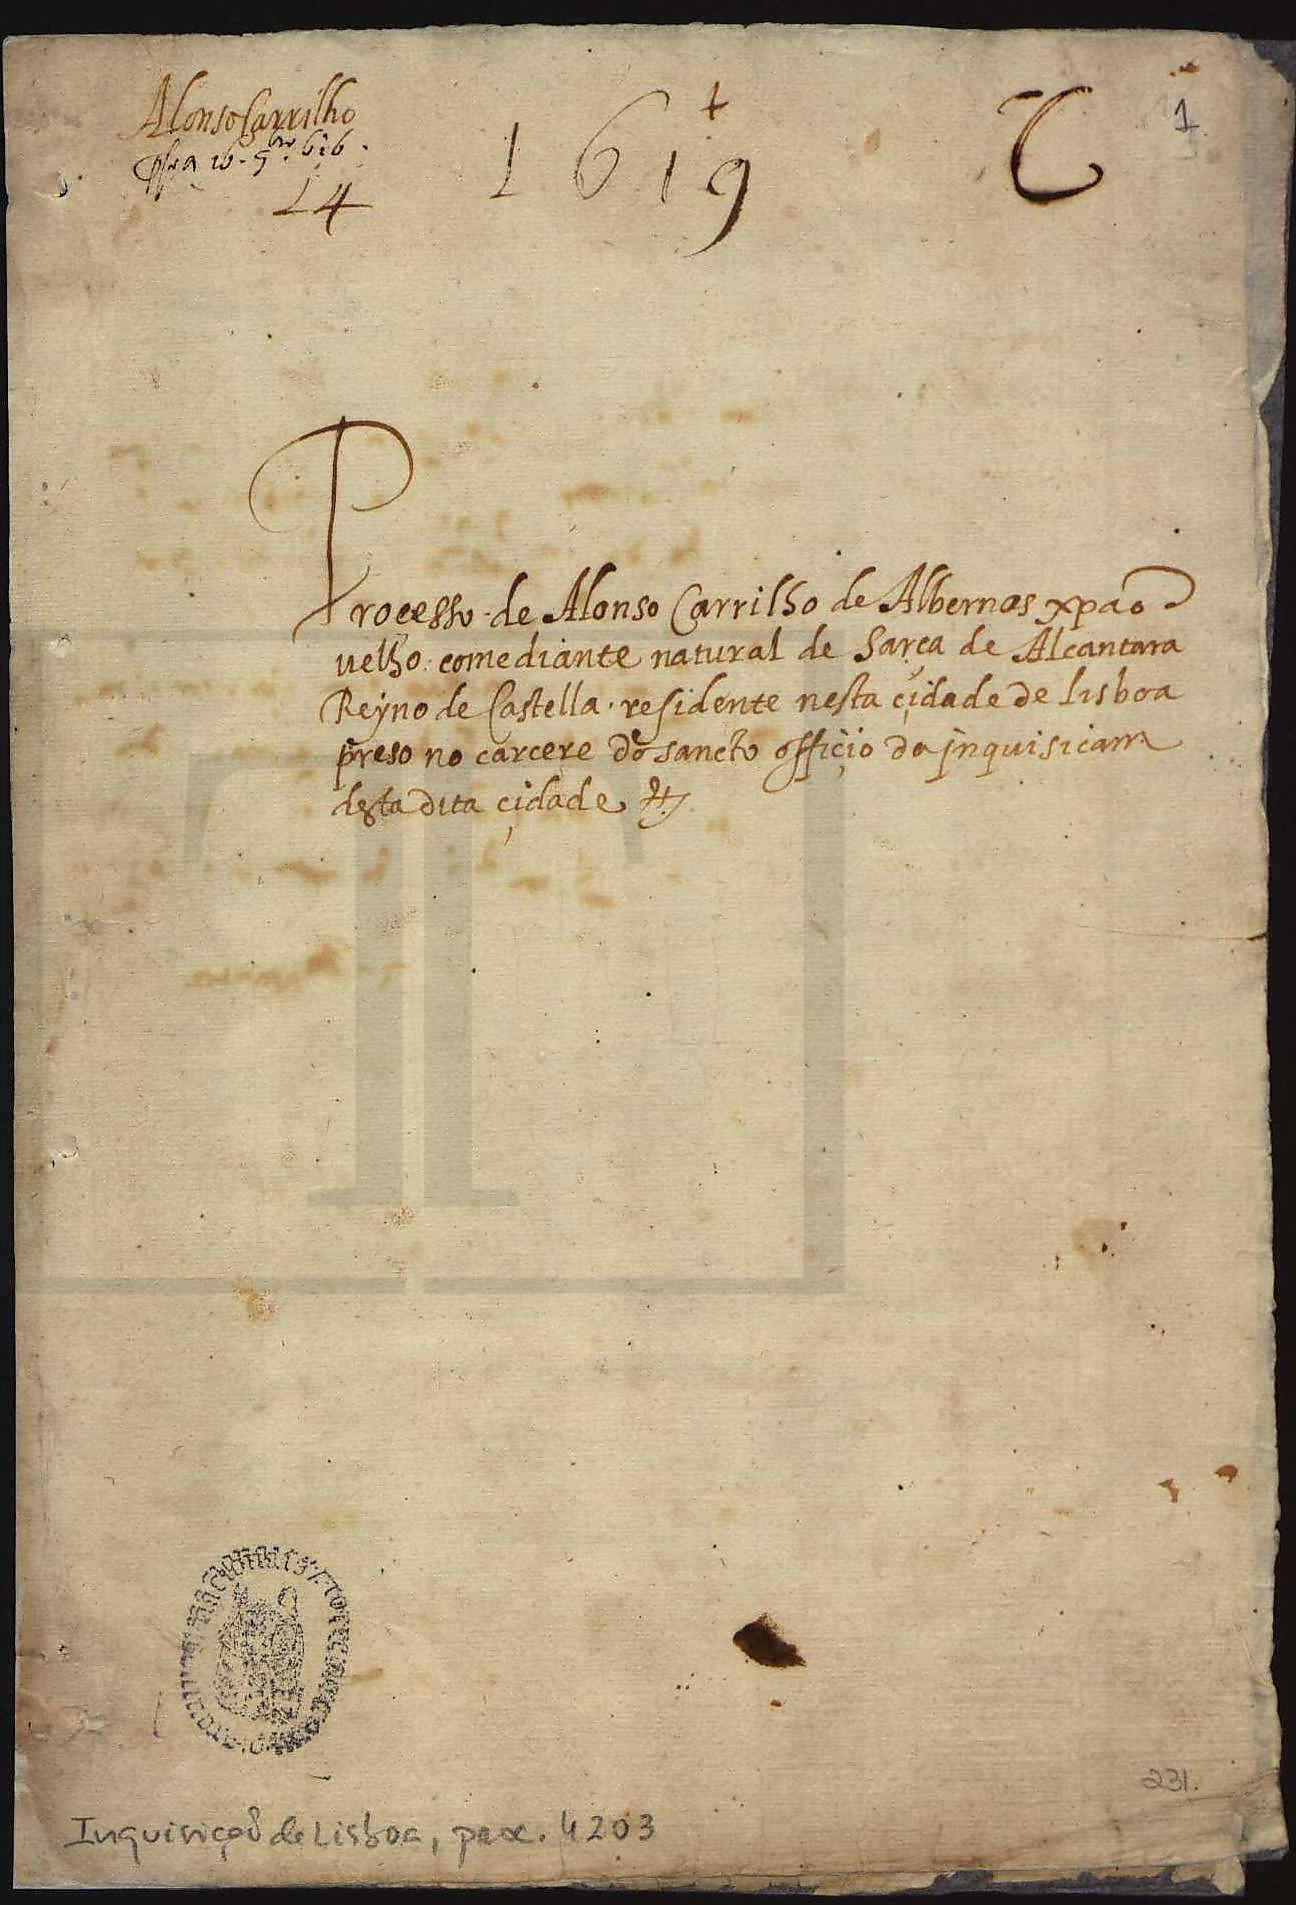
Alonso Carrilho
p̄so a 16. 9bro. 6i6
1619
14
Processo de Alonso Carrilho de Albernos xpaõ
uelho comediante natural de Sarça de Alcantara
Reyno de Castella. residente nesta cidade de lisboa
preso no carcere do sancto officio da jnquisiçam
desta dita cidade &ꝭ
